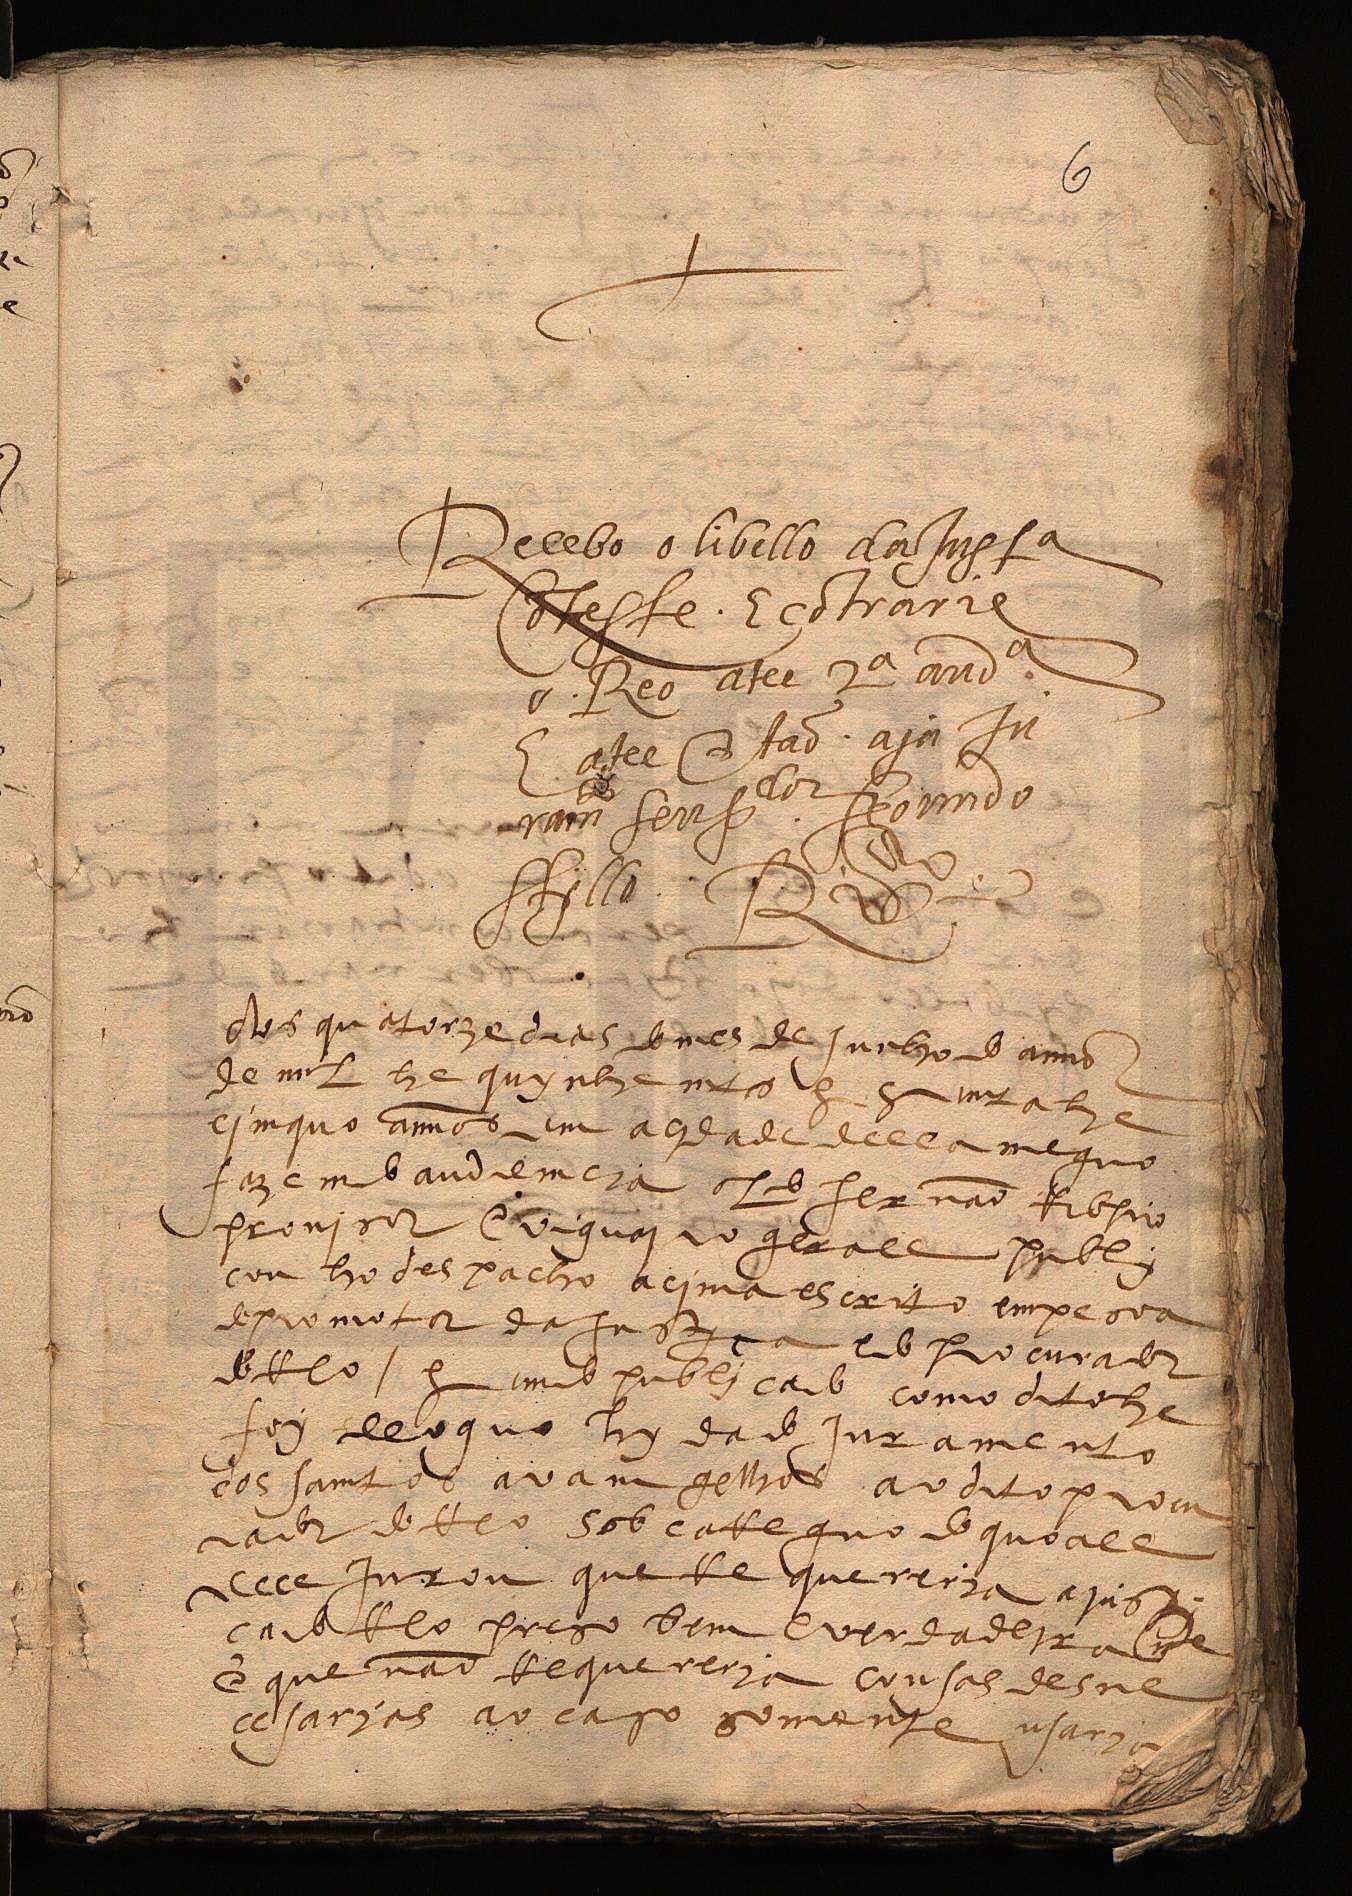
Recebo o libello da Justa
Cōteste. E cōtrarie
o Reo atee 2a auda.
E atee ētaõ. aja Ju
ramto seu pdor segundo
stjllo. R. S.
Aos quatorze dias do mes de Junho do annō
de miL he quynhemtos he sesenta he
cjmquo ann̄os em a cjdade de llameguo
fazemdo audiemcia o Ldo fernão Ribeiro
proujsor e viguajro gerall publy
cou ho despacho acjma escrito em pesoa
de promotor da Justjça e do procurador
do Reo / himdo publjcado como dito he
foy lloguo hy dado Juramento
dos samtos avamgelhos ao dito procu
rador do Reo sob caReguo do quoall
elle Jurou que Requereria a justj
ça do Reo preso bem e verdadejramēte
e que não Requererja cousas desne
cesarias ao caso somente usarja
